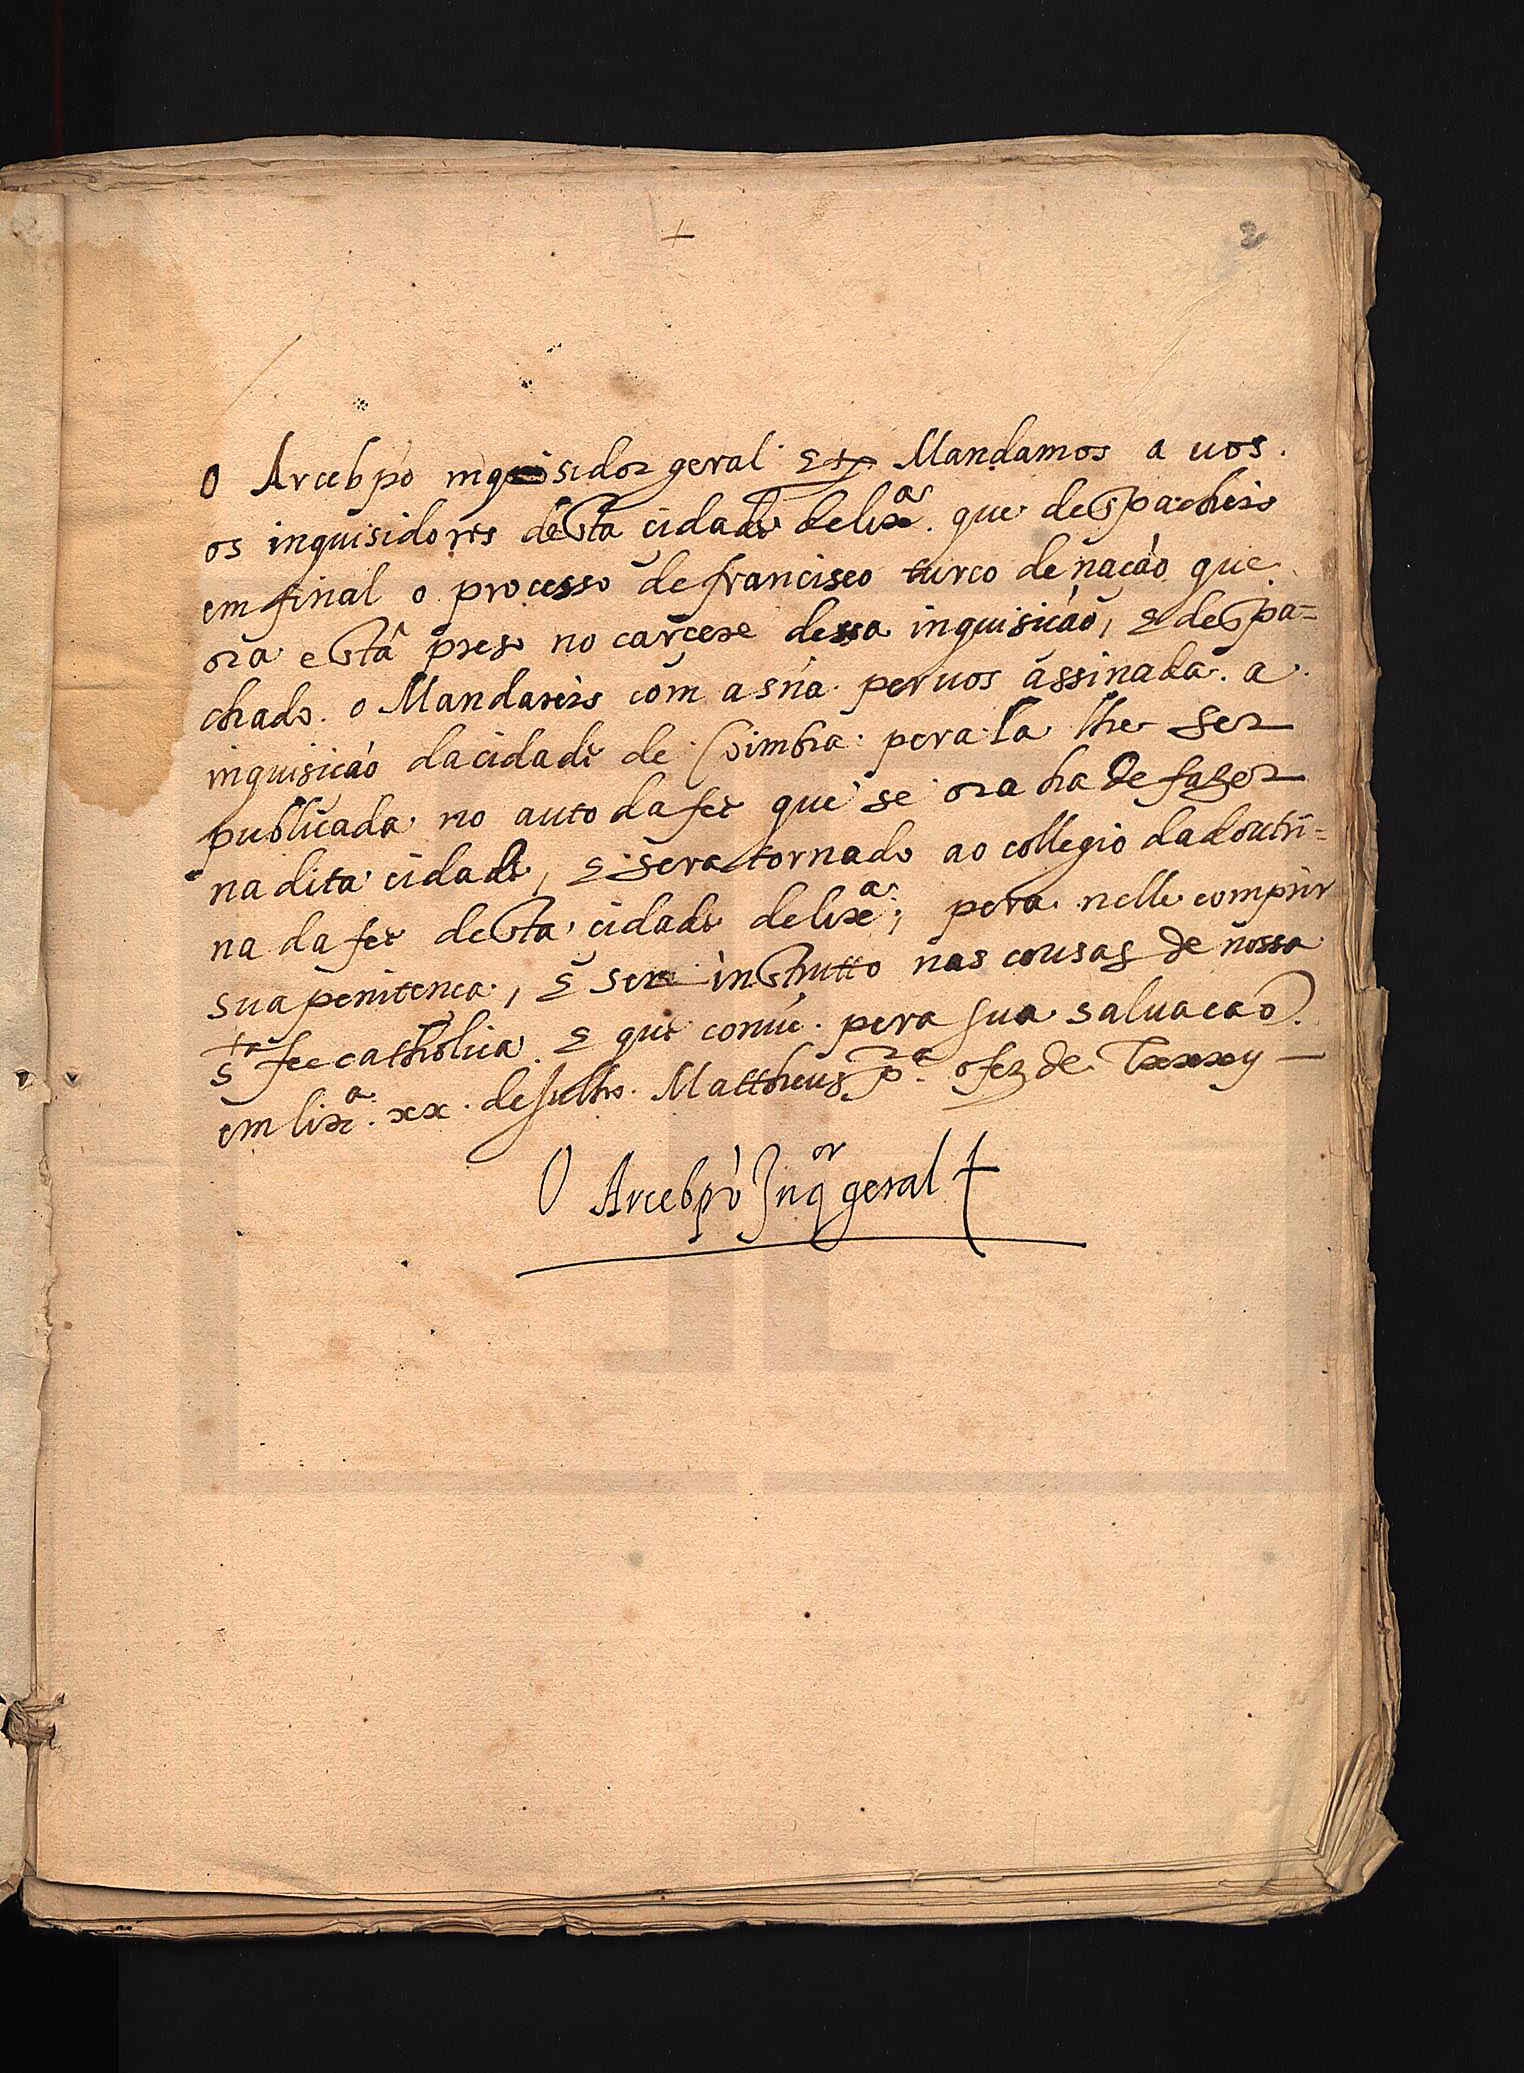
O Arcebpō inq_isidor geral Etꝭ Mandamos a uos
os inquisidores desta cidade de lixa que despacheis
em final o processo de francisco turco de nação que
ora estâ preso no carcere dessa inquisição, E despa
chado o Mandareis com a sn̄a per uos assinada. a
inquisição da cidade de Coimbra pera la lhe ser
publicada no auto da fee que se ora ha de fazer
na dita cidade, E sera tornado ao collegio da doutri
na da fee desta cidade de lixa., pera nelle comprir
sua penitença, E ser instrutto nas cousas de nossa
sta fee catholica E que conuē pera sua saluaçaõ.
em lixa. xx. de Julho. Mattheus pra o fez de lxxxij
O Arcebpō Jnqor geral
